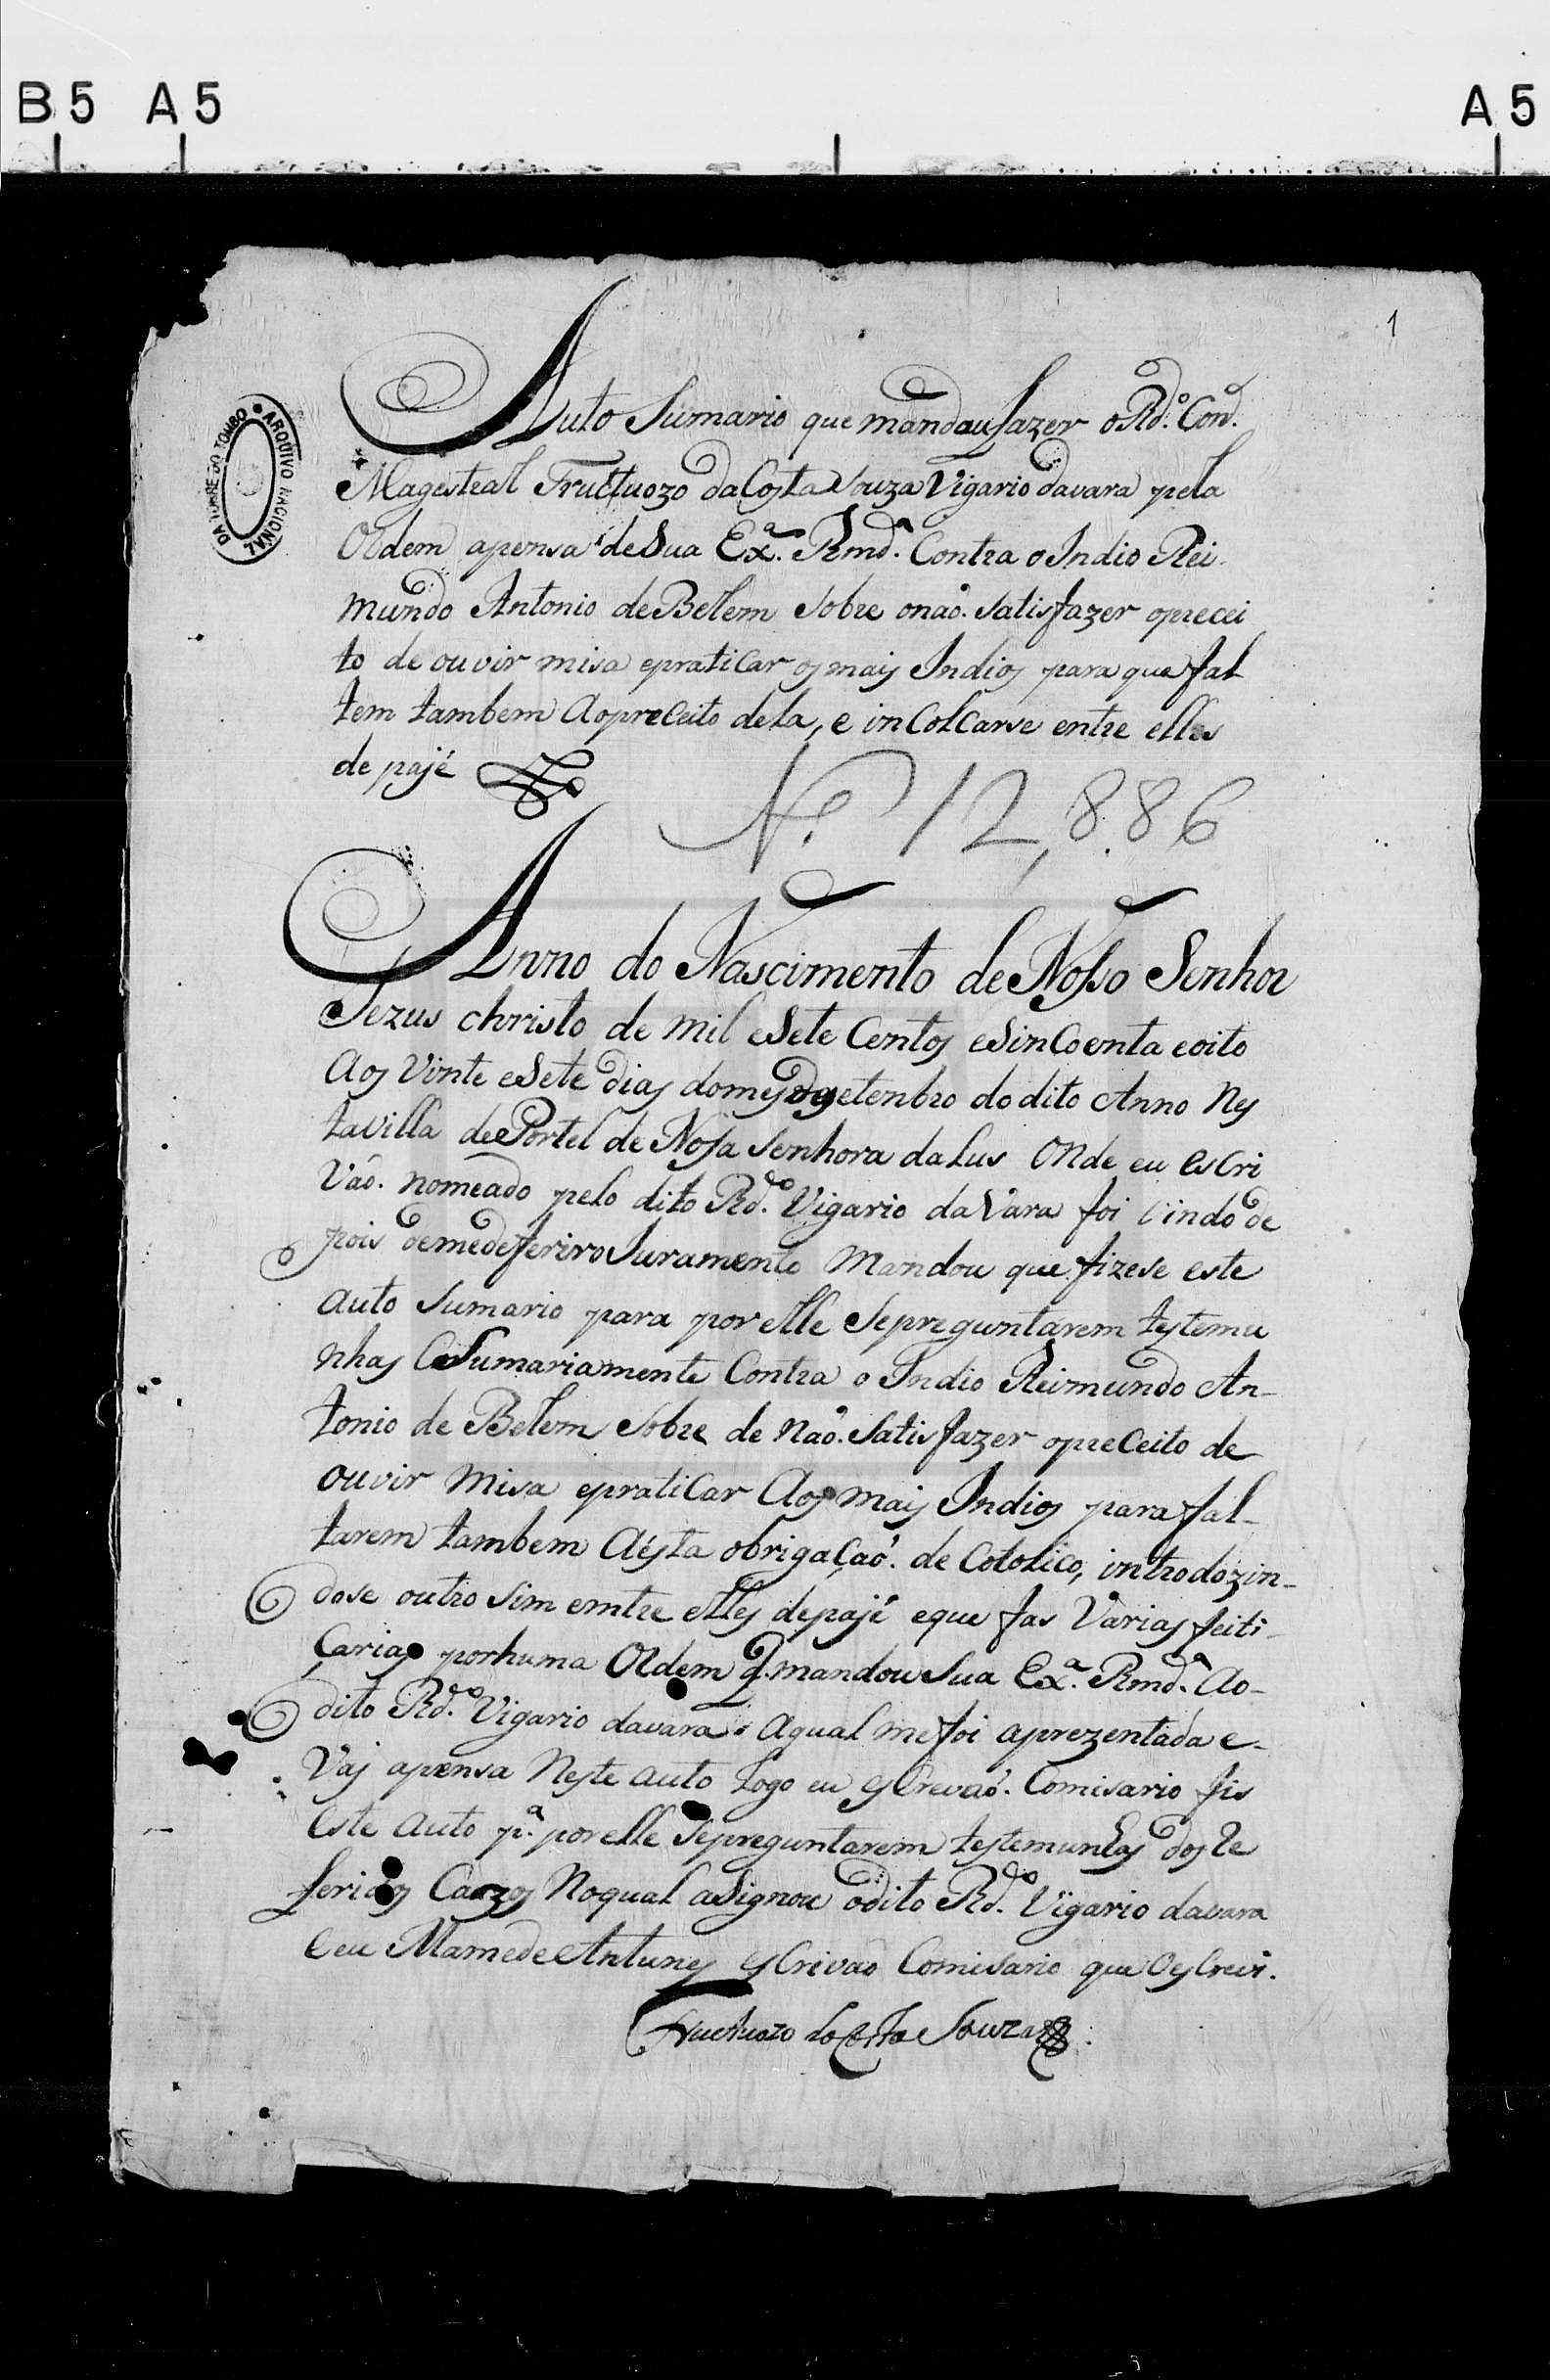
Auto Sumario que mandou fazer o Rd.o Con.o
Magestral Fructuozo da Costa souza Vigario da vara pela
Ordem apensa de Sua Ex.a Rmd.a Contra o Indio Rei
mundo Antonio de Belem sobre o naõ satisfazer o precei
to de ouvir misa e pratiCar os mais Indios para que fal
tem tambem ao preCeito dela, e inColcarse entre ell
de pajé
Anno do Nascimento de Nosso Senhor
Iezus christo de mil e SeteCentos e SinCoenta e oito
aos vinte e Sete dias do mes de setenbro do dito Anno Nes
ta villa de Portel de Nosa senhora da Lus ONde eu esCri
vaõ. nomeado pelo dito Rd.o Vigario da Vara foi vindo de
pois de me deferir o Iuramento Mandou que fizese este
auto sumario para por elle se preguntarem testemu
nhas Sumariamente Contra o Indio Reimundo An
tonio de Belem sobre de naõ satisfazer o preCeito de
ouvir misa e pratiCar Aos mais Indios para fal
tarem tambem A ésta obrigaÇaõ. de Cotolico, introdozin
dose outrosim emtre elles de pajé e que fas Varias feiti
Çarias por huma Ordem q̄. mandou sua Ex.a Rmd.a Ao
dito Rd.o Vigario da vara a qual me foi aprezentada e
Vaj a prensa Neste auto Logo eu esCrevaõ. Comisario fis
Este auto p.a por elle se preguntarem testemunhas dos Re
feridos Cazos No qual aSignou o dito Rd.o Vigario da vara
E eu Mamede Antunes esCrivaõ Comisario que o esCrevi
Fructuozo da Costa Souza
